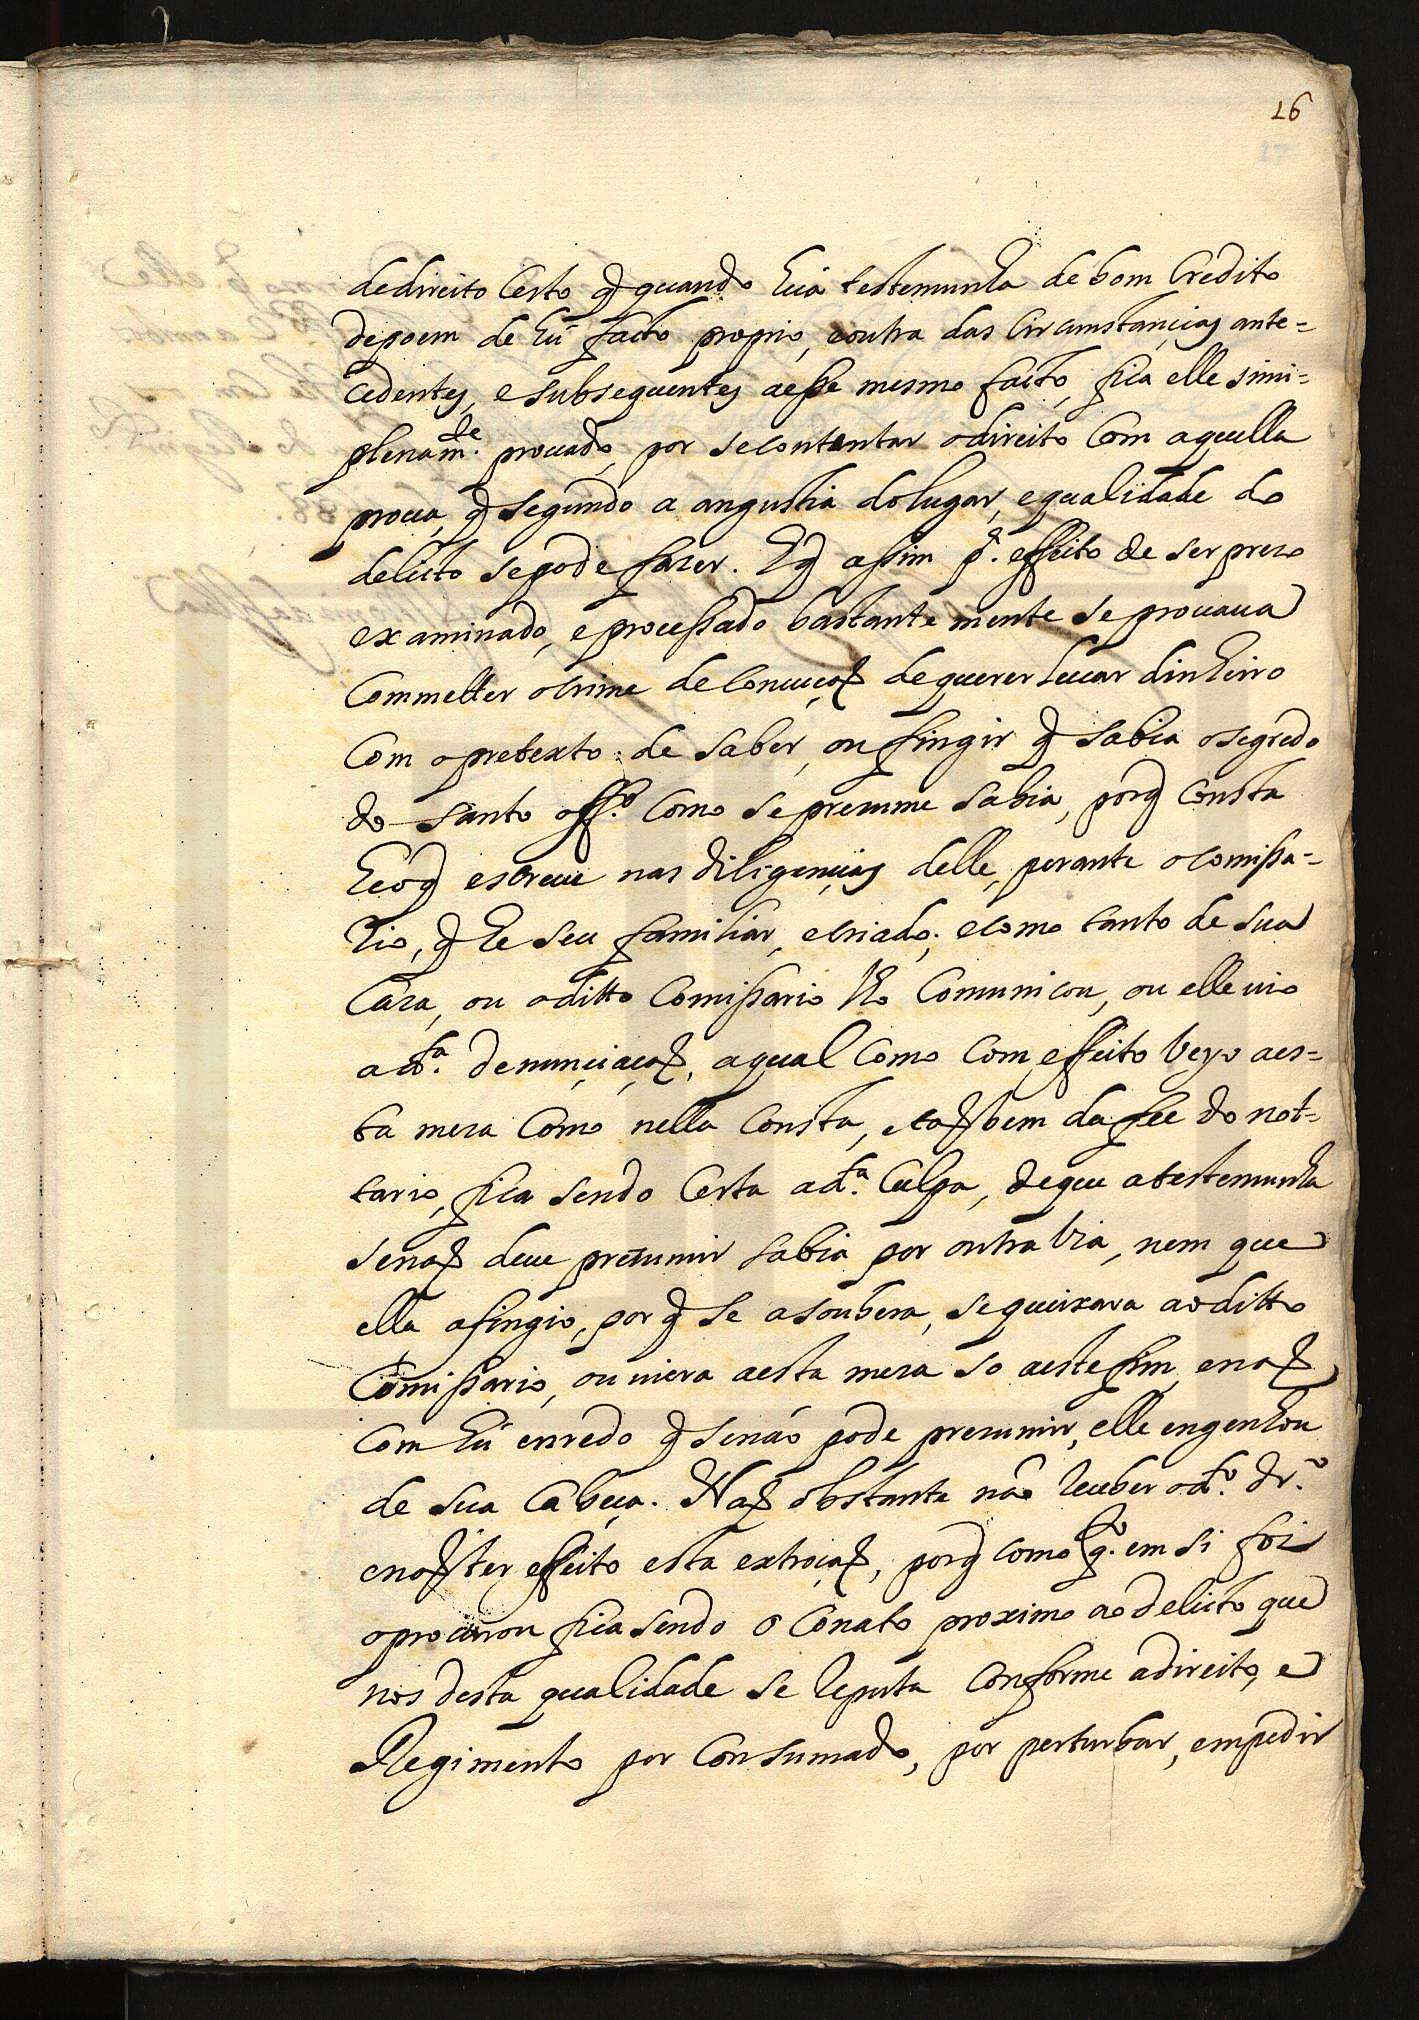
de direito Certo que quando huā testemunha de bom Credito
depoem de hū facto proprio, e outra das Circunstançias ante
cedentes, e subsequentes a esse mesmo facto, fica elle simi
plenamte. prouado, por se contentar o direito Com aquella
proua, q̄ segundo a angustia do lugar, e qualidade do
delicto se pode fazer. E q̄ assim p.a effeito de ser prezo
examinado, e processado bastantemente se prouaua
Commetter o crime de Conuição de querer leuar dinheiro
Com o pretexto de saber, ou fingir q̄ sabia o segredo
do santo off.o Como se presume sabia, porq̄ consta
he o q̄ escreue nas diligençias delle, perante o comissa
Rio, q̄ he seu familiar, e criado; e como tanto de sua
Caza, ou o ditto Comissario lho Comunicou, ou elle uio
a d̄.a denunçiaçaõ, a qual Como Com effeito veyo a es
ta meza Como nella Consta, e taõbem da fee do not
tario, fica sendo Certa a d̄.a Culpa, de que a testemunha
se naõ deue presumir sabia por outra via, nem que
ella a fingio, porq̄ se a soubera, se queixaua ao ditto
Comissario, ou uiera a esta meza so a este fim, e naõ
Com hū enredo q̄ se naõ pode presumir, elle engenhou
de sua Cabeça. Naõ obstante não Receber o d̄.o dr.o
e naõ ter effeito esta extroçaõ, porq̄ como q.to em si foi
o procurou fica sendo o Conato proximo ao delicto que
nos desta qualidade se Reputa Conforme a direito, e
Regimento por Consumado, por perturbar, empedir
